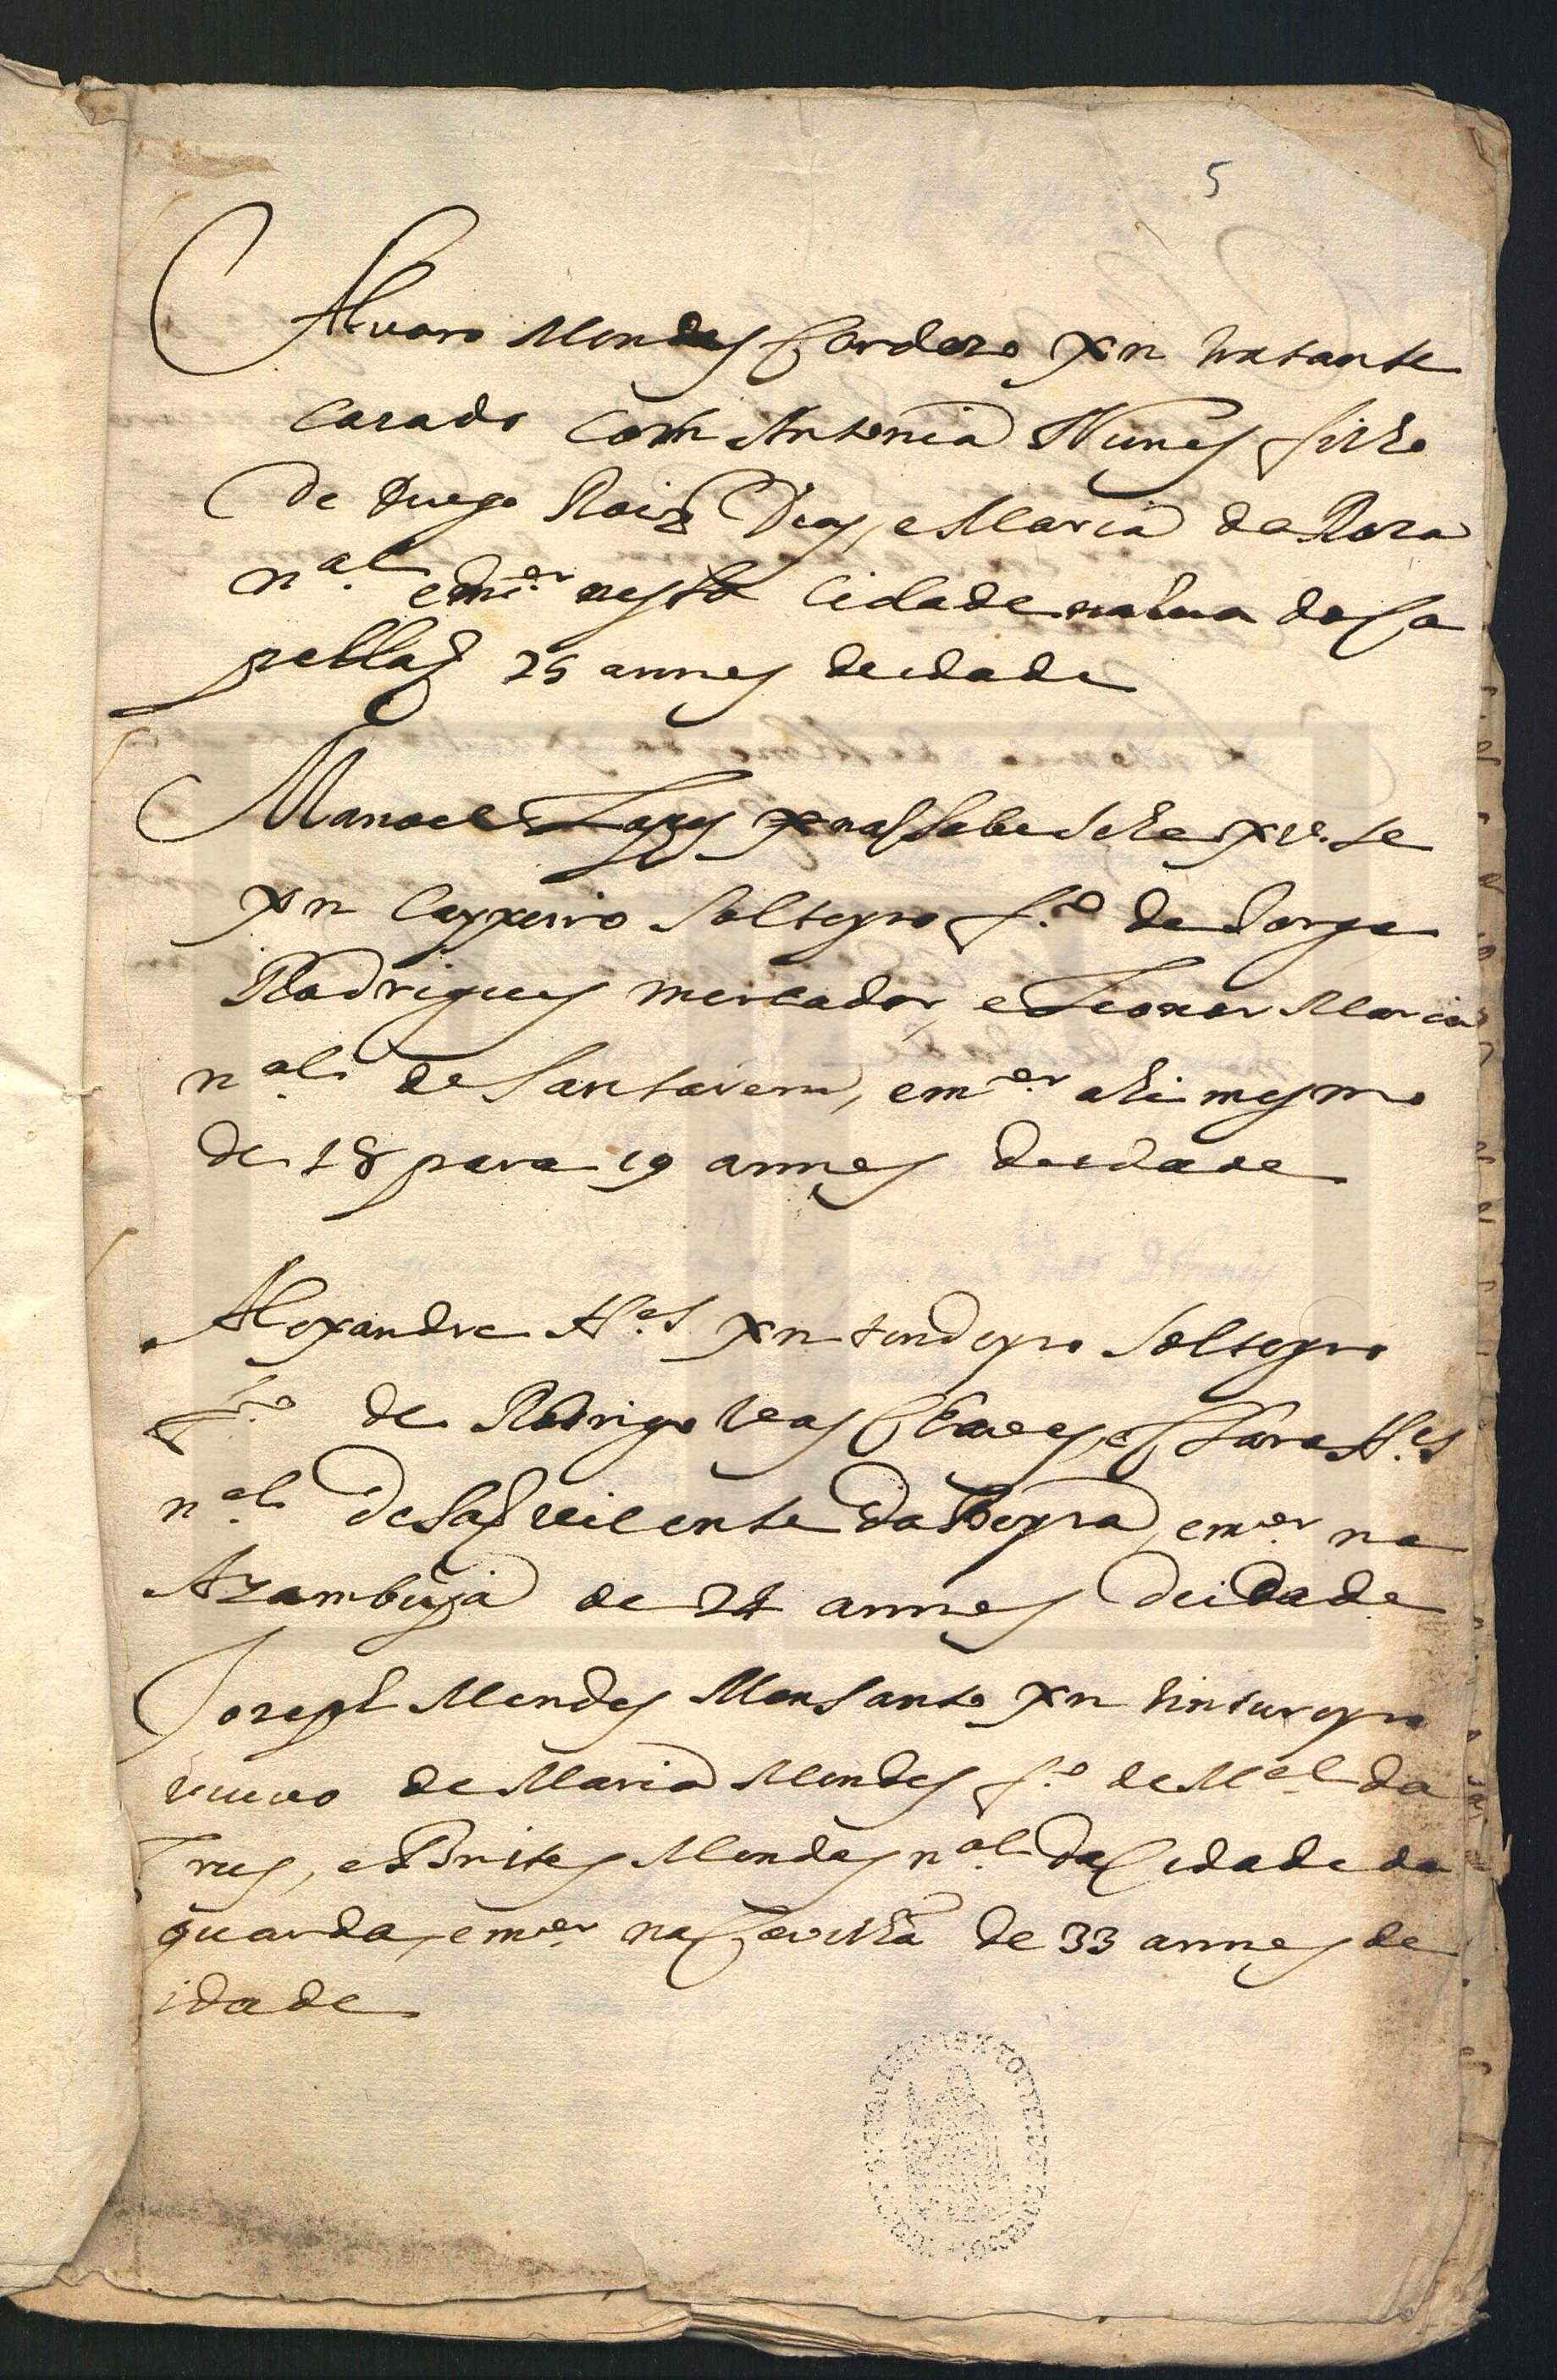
Aluaro Mendes Cardozo x n tratante
cazado com Antonia Nunes filho
de Diogo Roiz̄ Dias, e Maria da Roza
n.al e mr.or nesta cidade na Rua do Ca
pellaõ 25 annos de idade
Manoel Lopes x naõ Sabe se he x v. se
x n Cayxeiro solteyro f.o de Iorge
Rodrigues mercador, e Leonor Maria
n.al de Santarem, e m.or ahi mesmo
de 18 para 19 annos de idade
Alexandre H.es x n tendeyro solteyro
f.o de Rodrigo Vas Chaves, e Clara H.es
n.al de Saõ uicente da Beyra, e m.or na
Azambuja de 24 annos de idade
Jozeph Mendes Monsanto x n tintureyro
viuuo de Maria Mendes f.o de Mel da
Crus, e Brites Mendes n.al da Cidade da
guarda, e m.or na Covilhã de 33 annos de
idade
